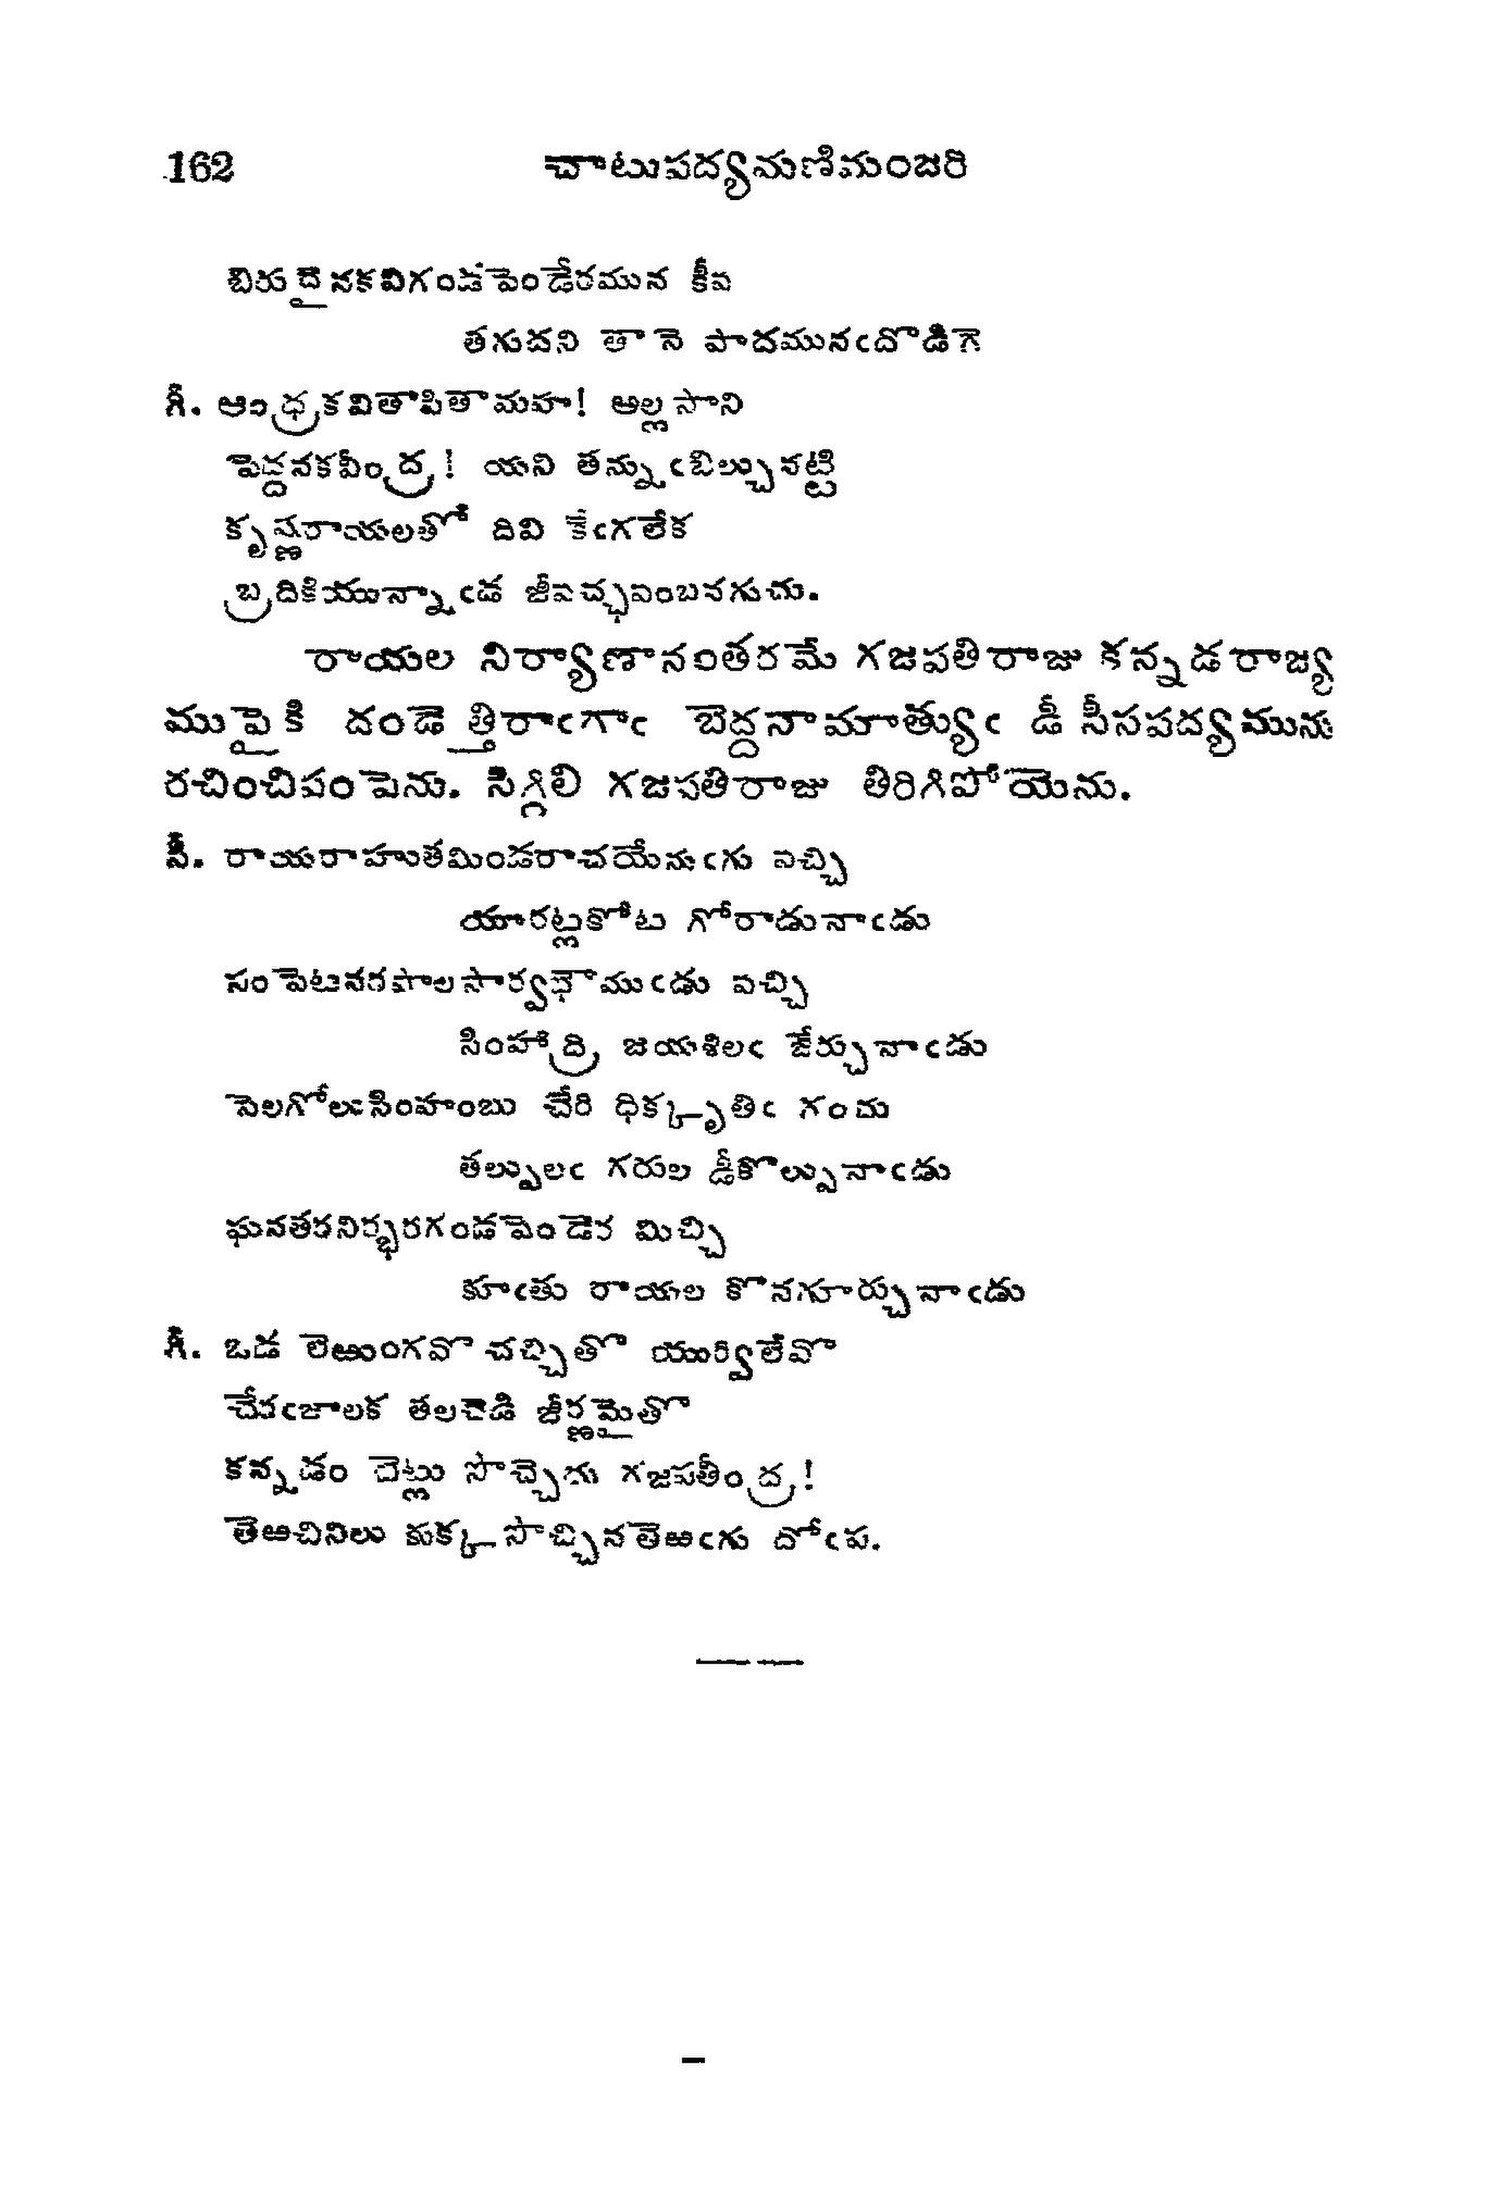బిరుదైన కవిగండపెండేరమున కీవ
 తగు దని తానె పాదమునఁ దొడిగె
గీ. ఆంధ్రకవితాపితామహ! అల్లసాని
 పెద్దనకవీంద్ర! యని తన్నుఁ బిల్చునట్టి
 కృష్ణరాయలతో దివి కేఁగలేక
 బ్రదికియున్నాఁడ జీవచ్ఛవంబ నగుచు.
రాయలనిర్యాణానంతరమే గజపతిరాజు కన్నడరాజ్యముపైకి దండెత్తిరాఁగాఁ బెద్దనామాత్యుఁ డీసీసపద్యమును రచించి పంపెను. సిగ్గిలి గజపతిరాజు తిరిగిపోయెను.
సీ. రాయరాహతమిండరాచయేనుఁగు వచ్చి
 యారట్లకోట గోరాడునాఁడు
 సంపెటనరపాలసార్వభౌముఁడు వచ్చి
 సింహాద్రి జయశిలఁ జేర్చునాఁడు
 సెలగోలుసింహంబు చేరి ధిక్కృతిఁ గంచు
 తల్పులఁ గరుల డీకొల్పునాఁడు
 ఘనతరనిర్భరగండపెండెర మిచ్చి
 కూఁతు రాయల కొనగూర్చునాఁడు
గీ. ఒడ లెఱుంగవొ చచ్చితొ యుర్విలేవొ
 చేరఁజాలక తలచెడి జీర్ణమైతొ
 కన్నడం బెట్లు సొచ్చెదు గజపతీంద్ర!
 తెఱచినిలు కుక్కసొచ్చినతెఱఁగు దోఁప.